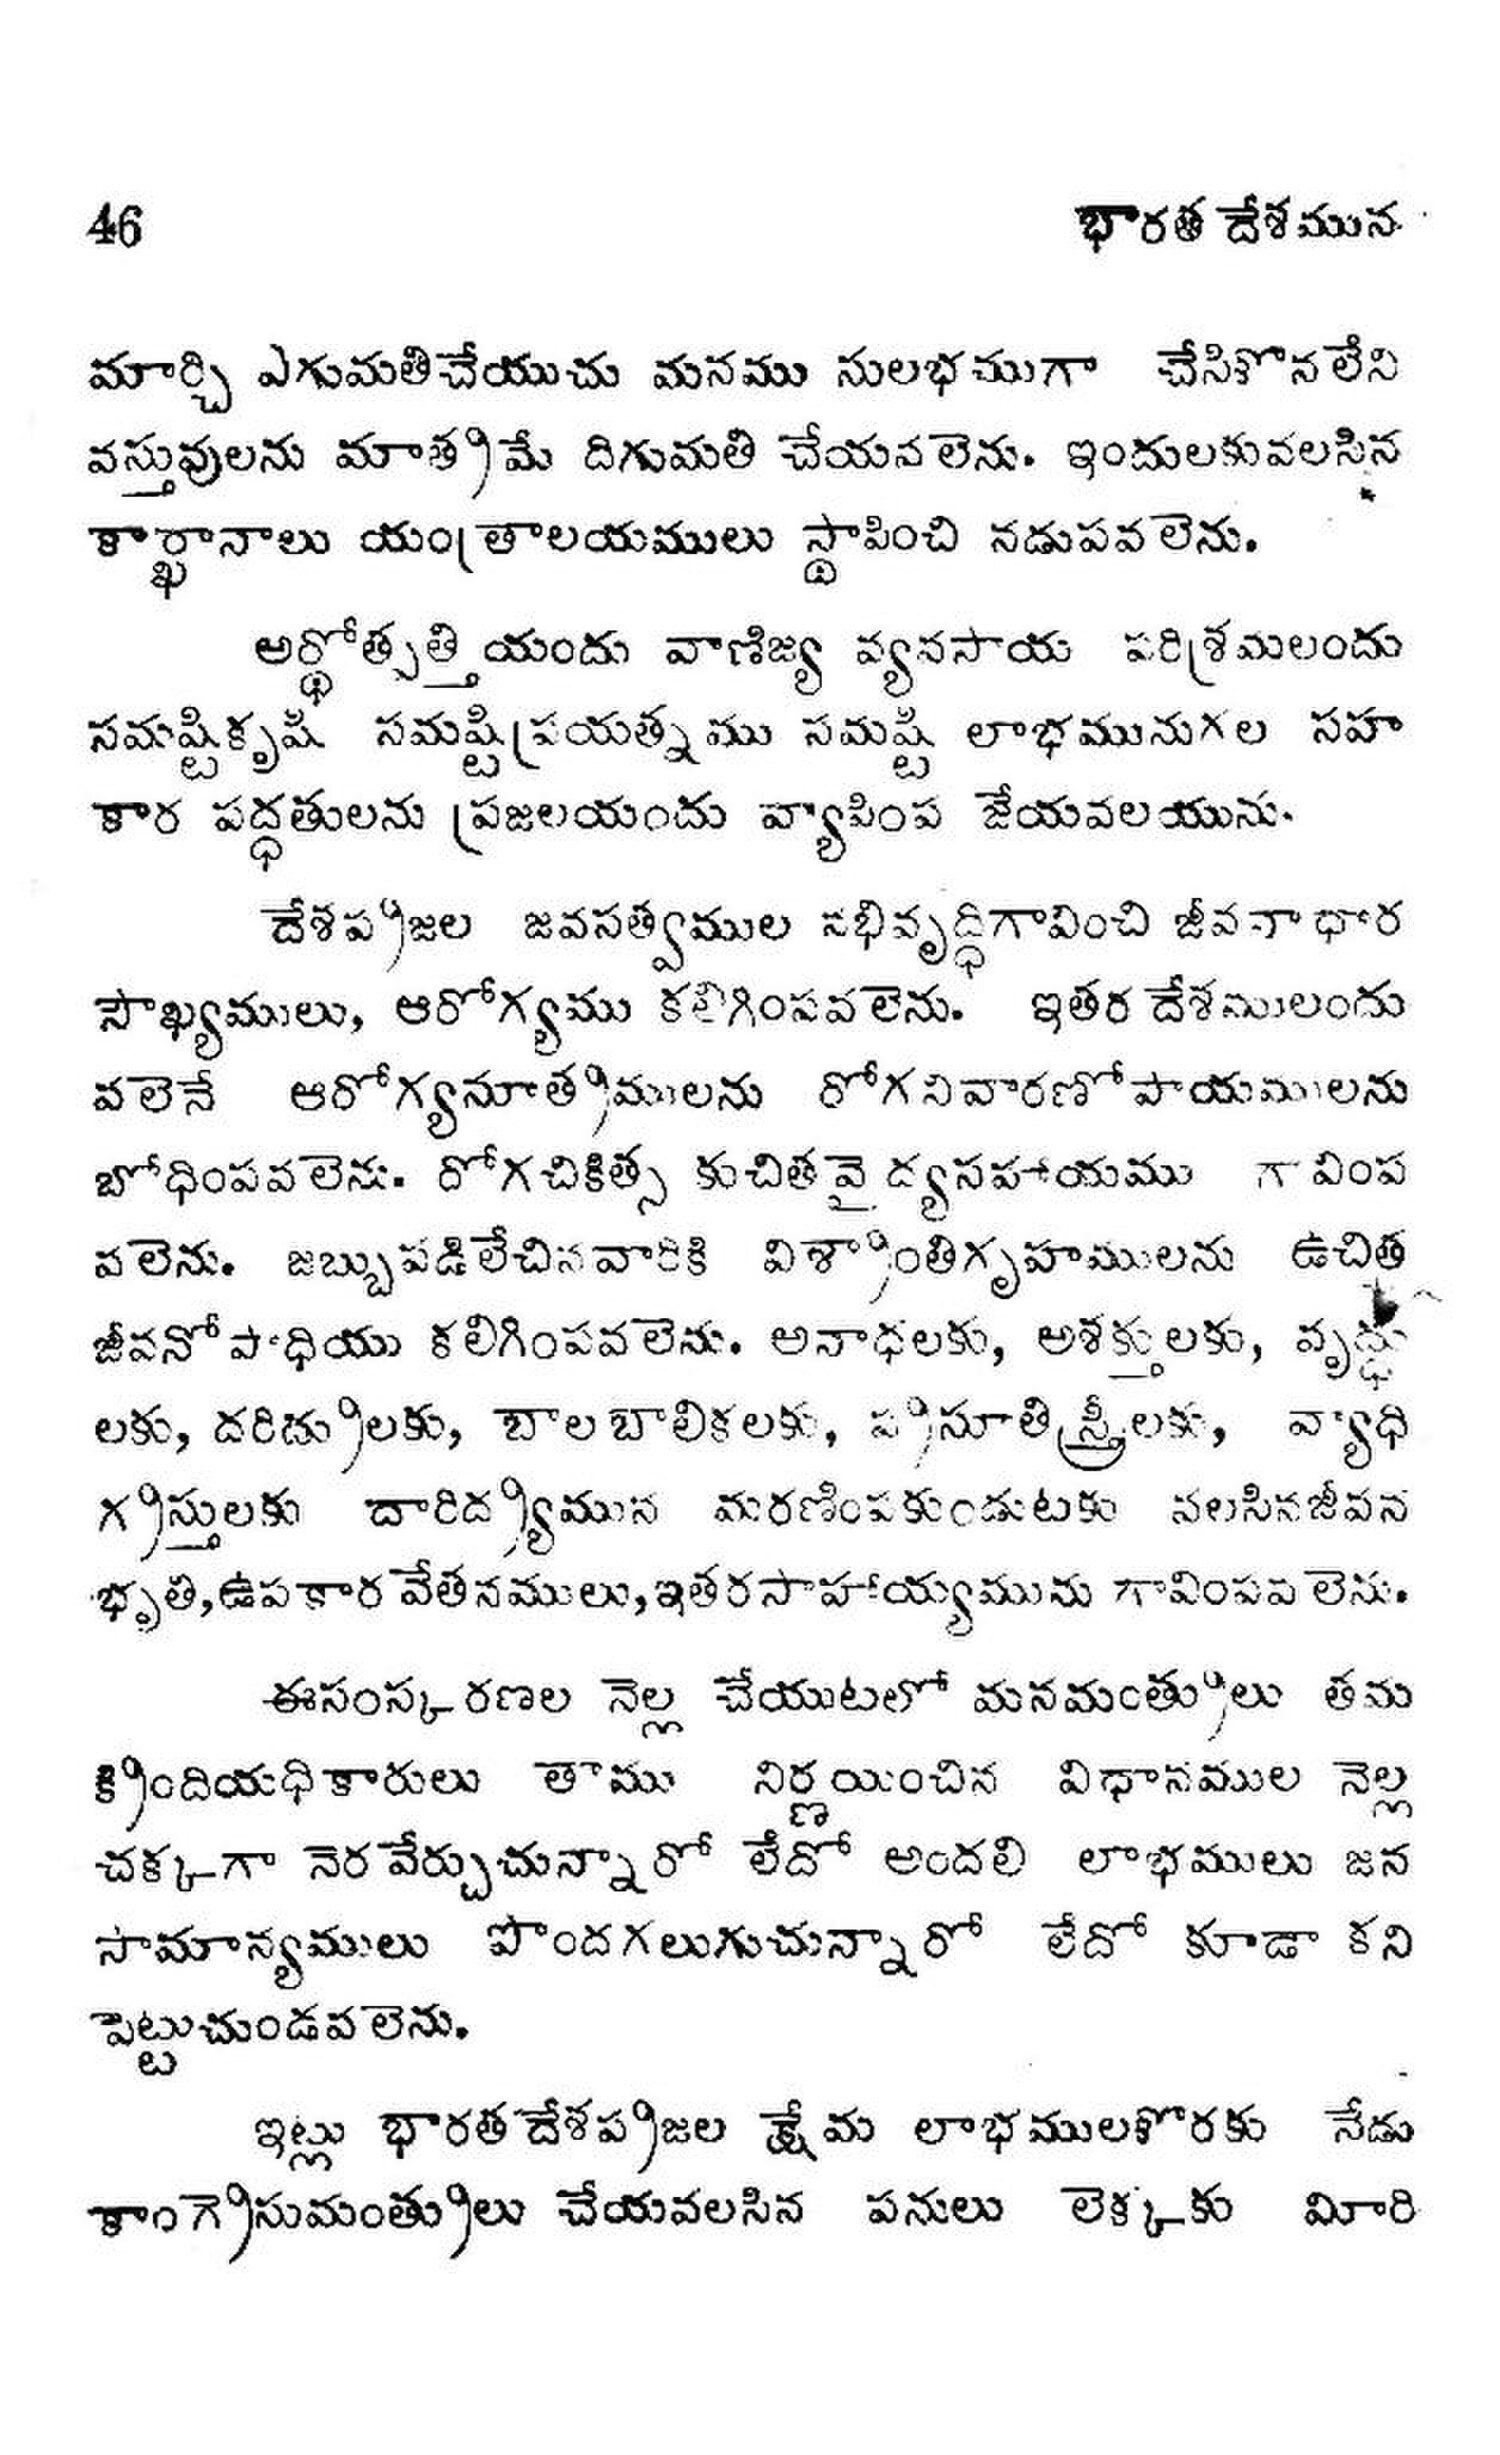మార్చి ఎగుమతిచేయుచు మనము సులభముగా చేసికొనలేని వస్తువులను మాత్రమే దిగుమతి చేయవలెను. ఇందులకువలసిన కార్ఖానాలు యంత్రాలయములు స్థాపించి నడుపవలెను. .

అర్థోత్పత్తియందు వాణిజ్య వ్యవసాయ పరిశ్రమలందు సమష్టికృషి సమష్టిప్రయత్నము సమష్టి లాభమునుగల సహకార పద్ధతులను ప్రజలయందు వ్యాపింప జేయవలయును.

దేశప్రజల జవసత్వముల నభివృద్దిగావించి జీవనాధార సౌఖ్యములు, ఆరోగ్యము కలిగింపవలెను. ఇతరదేశములందు వలెనే ఆరోగ్యనూత్రములను రోగనివారణోపాయములను బోధింపవలెను. రోగచికిత్స కుచితవైద్యసహాయము గావింపవలెను. జబ్బుపడిలేచినవారికి విశ్రాంతిగృహములను ఉచిత జీవనోపాధియు కలిగింపవలెను. అనాధలకు, అశక్తులకు, వృద్దులకు, దరిద్రులకు, బాలబాలికలకు , ప్రసూతిస్త్రీలకు, వ్యాధిగ్రస్తులకు దారిద్ర్యమున మరణింపకుండుటకు వలసిన జీవనభృతి, ఉపకారవేతనములు, ఇతర సాహాయ్యమును గావింపవలెను.

ఈసంస్కరణల నెల్ల చేయుటలో మనమంత్రులు తమ క్రిందియధికారులు తాము నిర్ణయించిన విధానముల నెల్ల చక్కగా నెరవేర్చుచున్నారో లేదో అందలి లాభములు జన సామాన్యములు పొందగలుగుచున్నారో లేదో కూడా కని పెట్టుచుండవలెను.

ఇట్లు భారతదేశప్రజల క్షేమ లాభములకొరకు నేడు కాంగ్రెసుమంత్రులు చేయవలసిన పనులు లెక్కకు మీరి